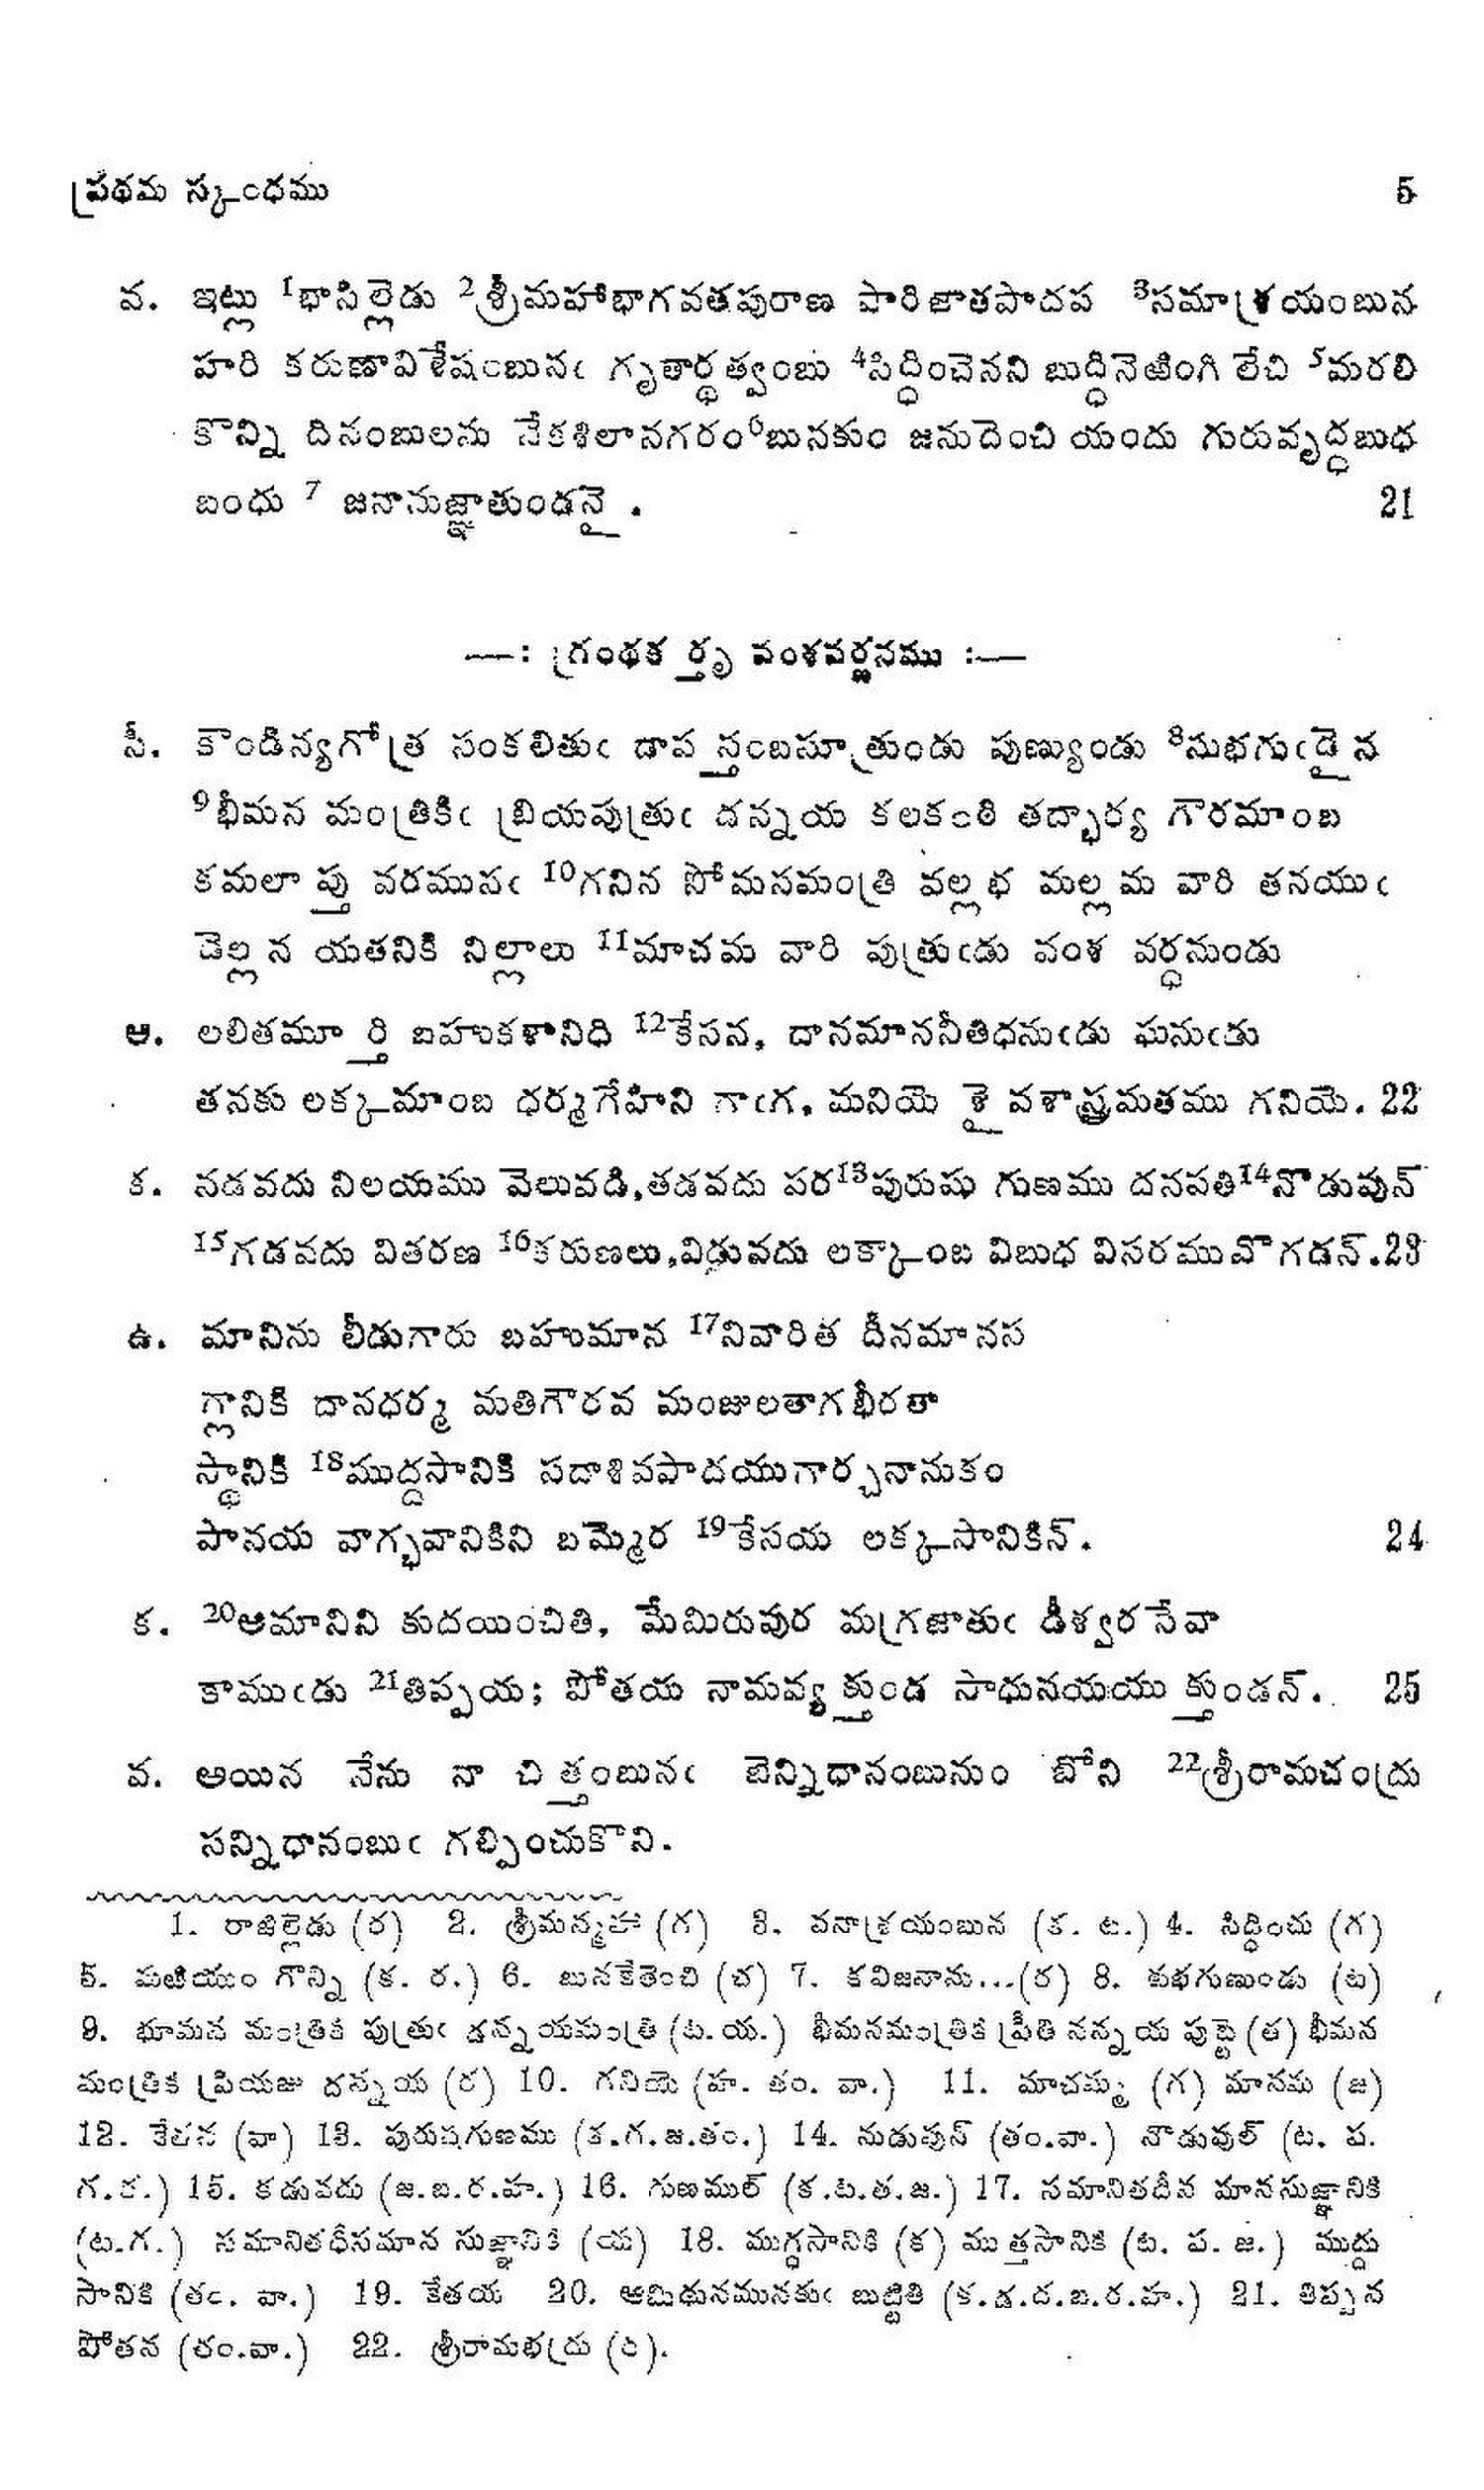5

వ. ఇట్లు భాసిల్లెడు శ్రీమహాభాగవత పురాణ పారిజాత పాదప సమాశ్రయంబున హరికరుణావిశేషంబునఁ గృతార్థత్వంబు సిద్ధించెనని బుద్ధి నెఱింగి లేచి మఱలి కొన్ని దినంబుల నేకశిలానగరంబునకుం జనుదెంచి యందు గురువృద్ధబుధబంధుజనానుజ్ఞాతుండనై, (1-21)

సీ. కౌండిన్యగోత్ర సంకలితుఁ డాపస్తంబ, సూత్రుండు పుణ్యుండు సుభగుఁడైన

భీమన మంత్రికిఁ బ్రియపుత్త్రుఁ డన్నయ, కలకంఠి తద్భార్య గౌరమాంబ
 
కమలాప్తు వరమునఁ గనియె సోమనమంత్రి, వల్లభ మల్లమ వారి తనయుఁ

డెల్లన యతనికి నిల్లాలు మాచమ, వారి పుత్త్రుఁడు వంశవర్ధనుండు
 
ఆ.వె. లలితమూర్తి బహుకళానిధి కేసన, దానమాన నీతిధనుఁడు ఘనుఁడు

తనకు లక్కమాంబ ధర్మగేహిని గాఁగ, మనియె శైవశాస్త్రమతముఁ గనియె. (1-22)

కం. నడవదు నిలయము వెలువడి, తడవదు పరపురుషు గుణముఁ దన పతి నొడువున్

గడవదు వితరణ కరుణలు, విడువదు లక్కాంబ విబుధ విసరము వొగడన్. (1-23)

ఉ. మానిను లీడు గారు బహుమాన నివారిత దీనమానస

గ్లానికి దానధర్మ మతిగౌరవ మంజులతా గభీరతా

స్థానికి ముద్దసానికి సదాశివ పాద యుగార్చనానుకం

పానయ వాగ్‌భవానికిని బమ్మెర కేసయ లక్కసానికిన్. (1-24)

కం. ఆ మానిని కుదయించితి, మే మిరువుర మగ్రజాతుఁ డీశ్వర సేవా

కాముఁడు తిప్పయ ; పోతన, నామవ్యక్తుండ సాధునయ యుక్తుండన్. (1-25)

వ. అయిన నేను నా చిత్తంబునఁ బెన్నిధానంబును బోని శ్రీరామచంద్రు సన్నిధానంబును గల్పించికొని, (1-26)